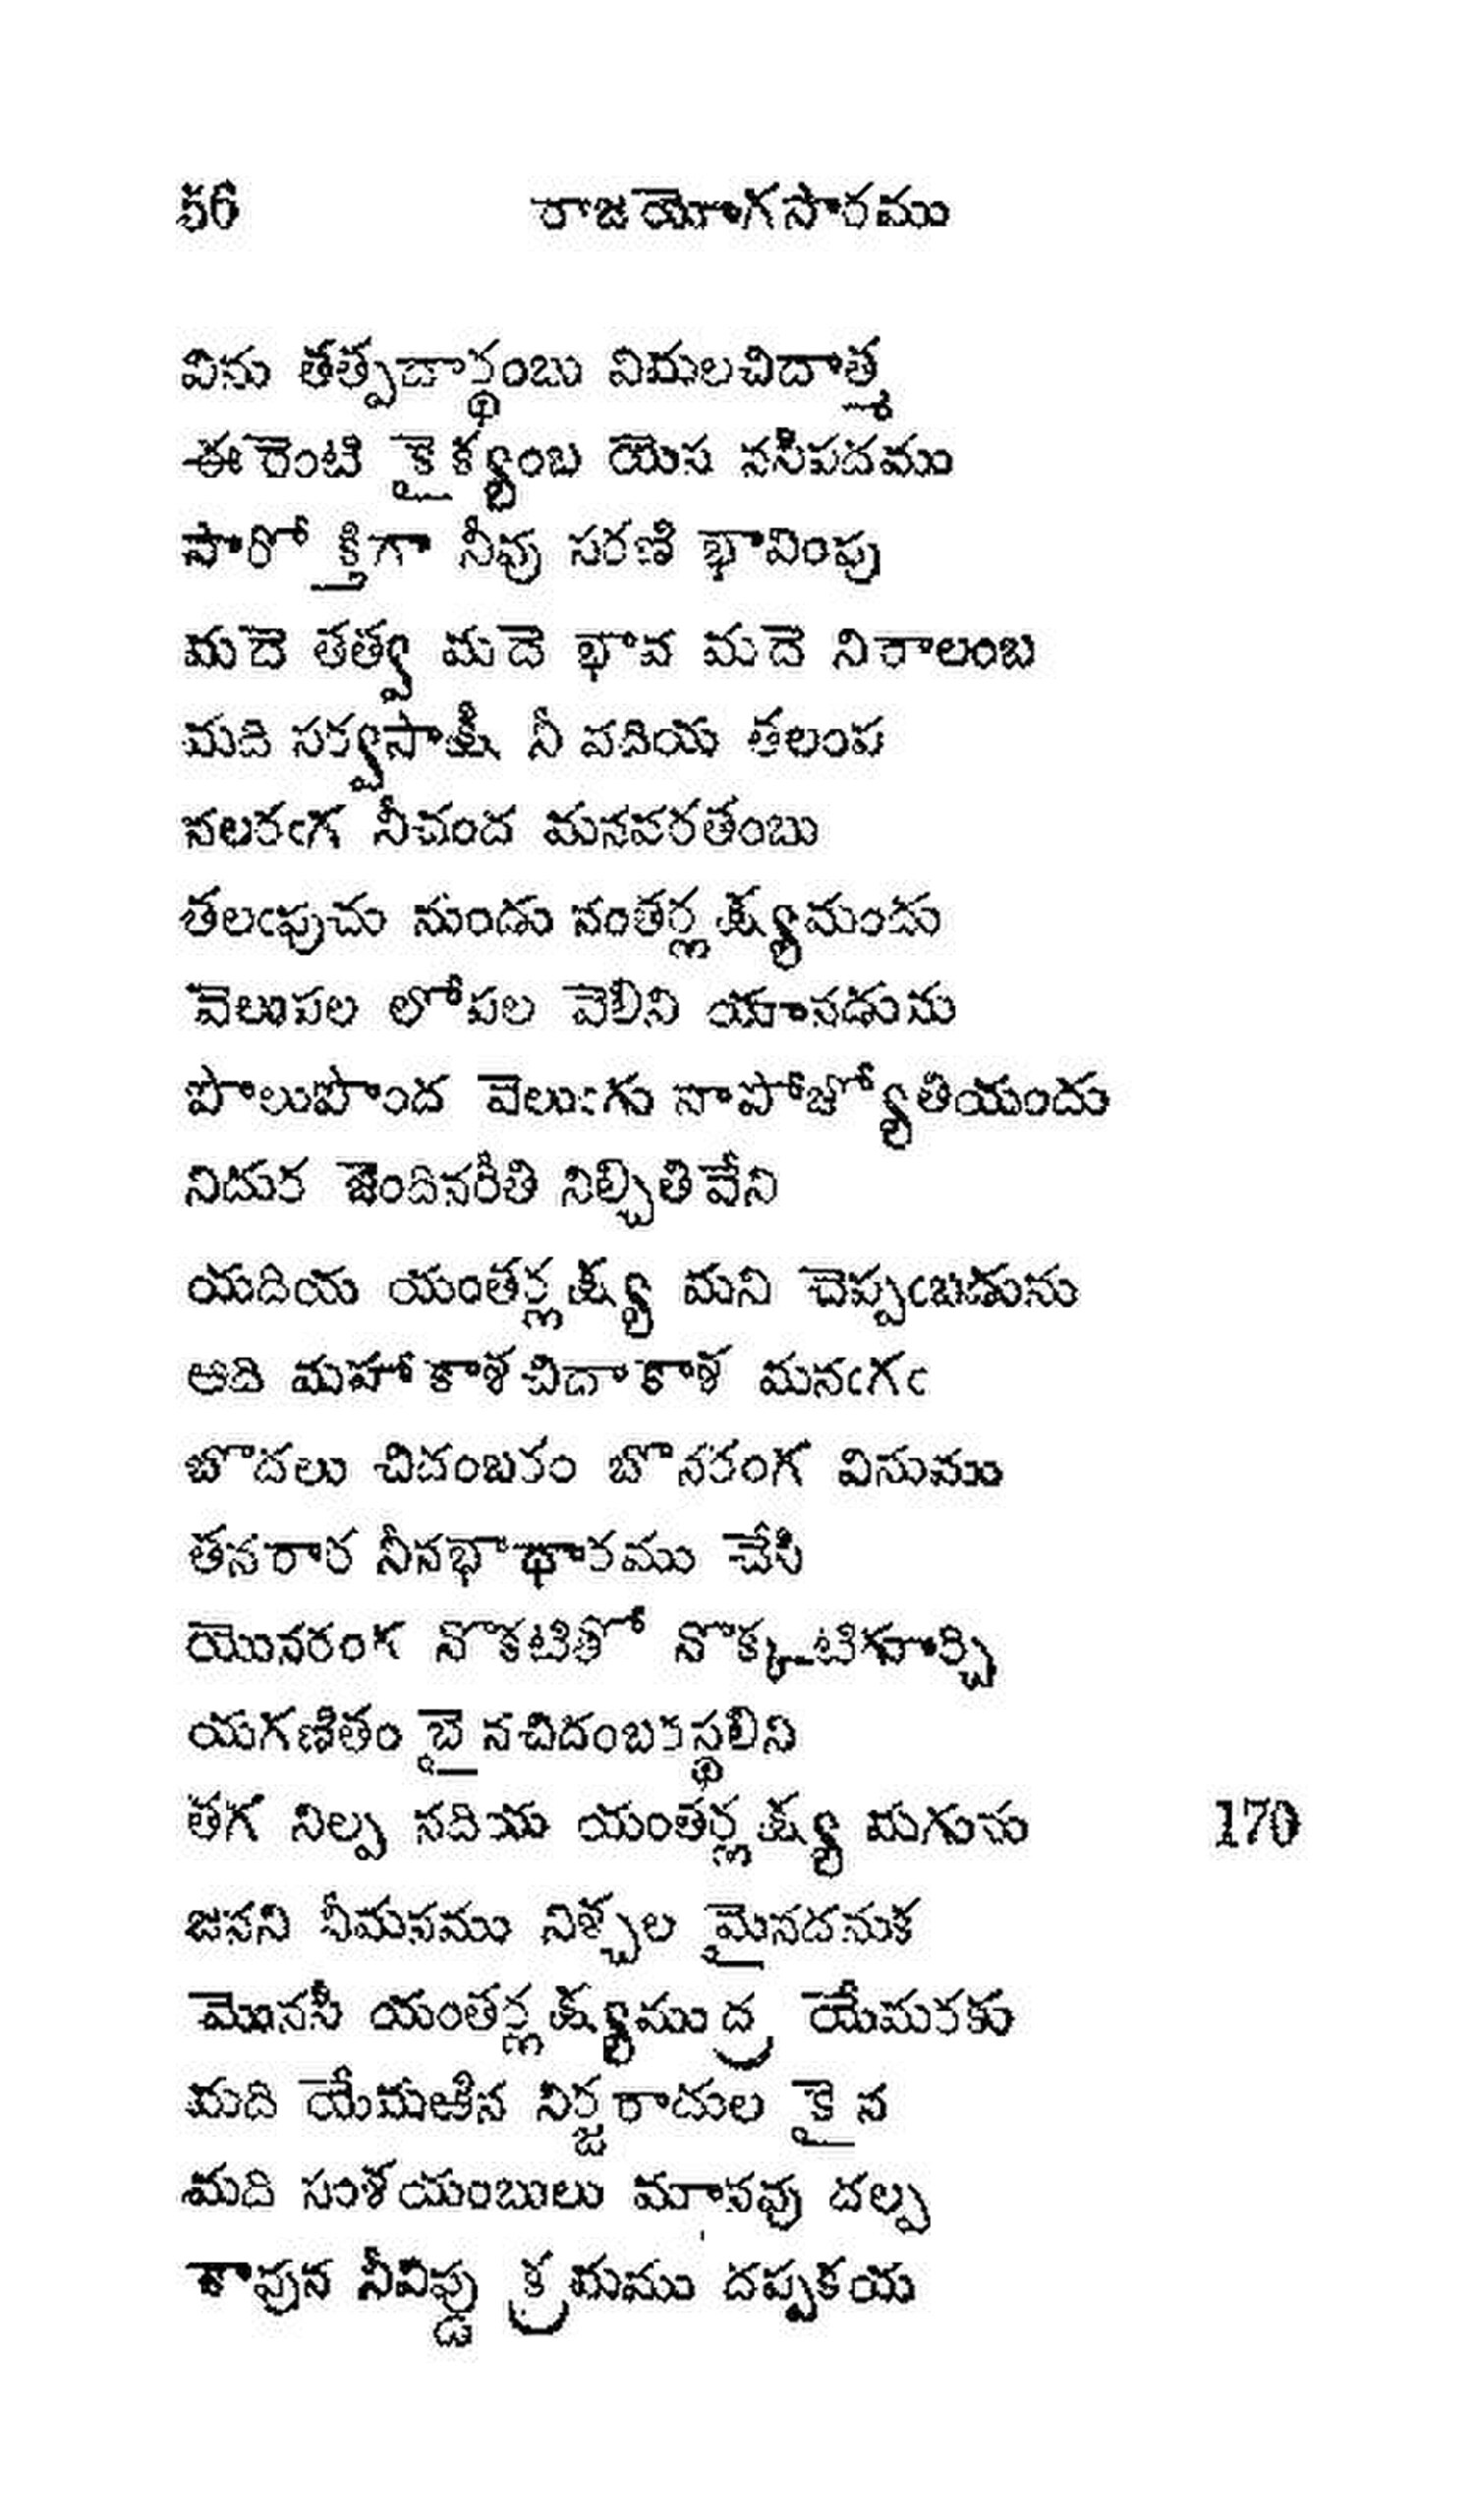విను తత్పదార్థంబు విమలచిదాత్మ
ఈ రెంటి కైక్యంబ యెస నసిపదము
సారోక్తిగా నీవు సరణి భావింపు
మదె తత్వ మదె భావ మదె నిరాలంబ
మది సర్వసాక్షి నీ వదియ తలంప
నలరఁగ నీచంద మనవరతంబు
తలఁపుచు నుండు నంతర్లక్ష్యమందు 
వెలుపల లోపల వెలిని యానడుమ 
పొలుపొంద వెలుఁగు నాపోజ్యోతియందు
నిదుర జెందినరీతి నిల్చితివేని
యదియ యంతర్లక్ష్యమని చెప్పఁబడును
అది మహాకాశచిదాకాశ మనఁగఁ
బొదలు చిదంబరం బొనరంగ వినుము
తనరార నీనభాధారము చేసి
యొనరంగ నొకటితో నొక్కటిగూర్చి
యగణితం బైనచిదంబరస్థలిని
తగ నిల్ప నదియ యంతర్లక్ష్య మగును
జనని నీమనము నిశ్చల మైనదనుక
మొనసి యంతర్లక్ష్యముద్ర యేమరకు
మది యేమఱిన నిర్జరాదుల కైన
మది సంశయంబులు మానవు దల్ప
కావున నీవిప్డు క్రమము దప్పకయ